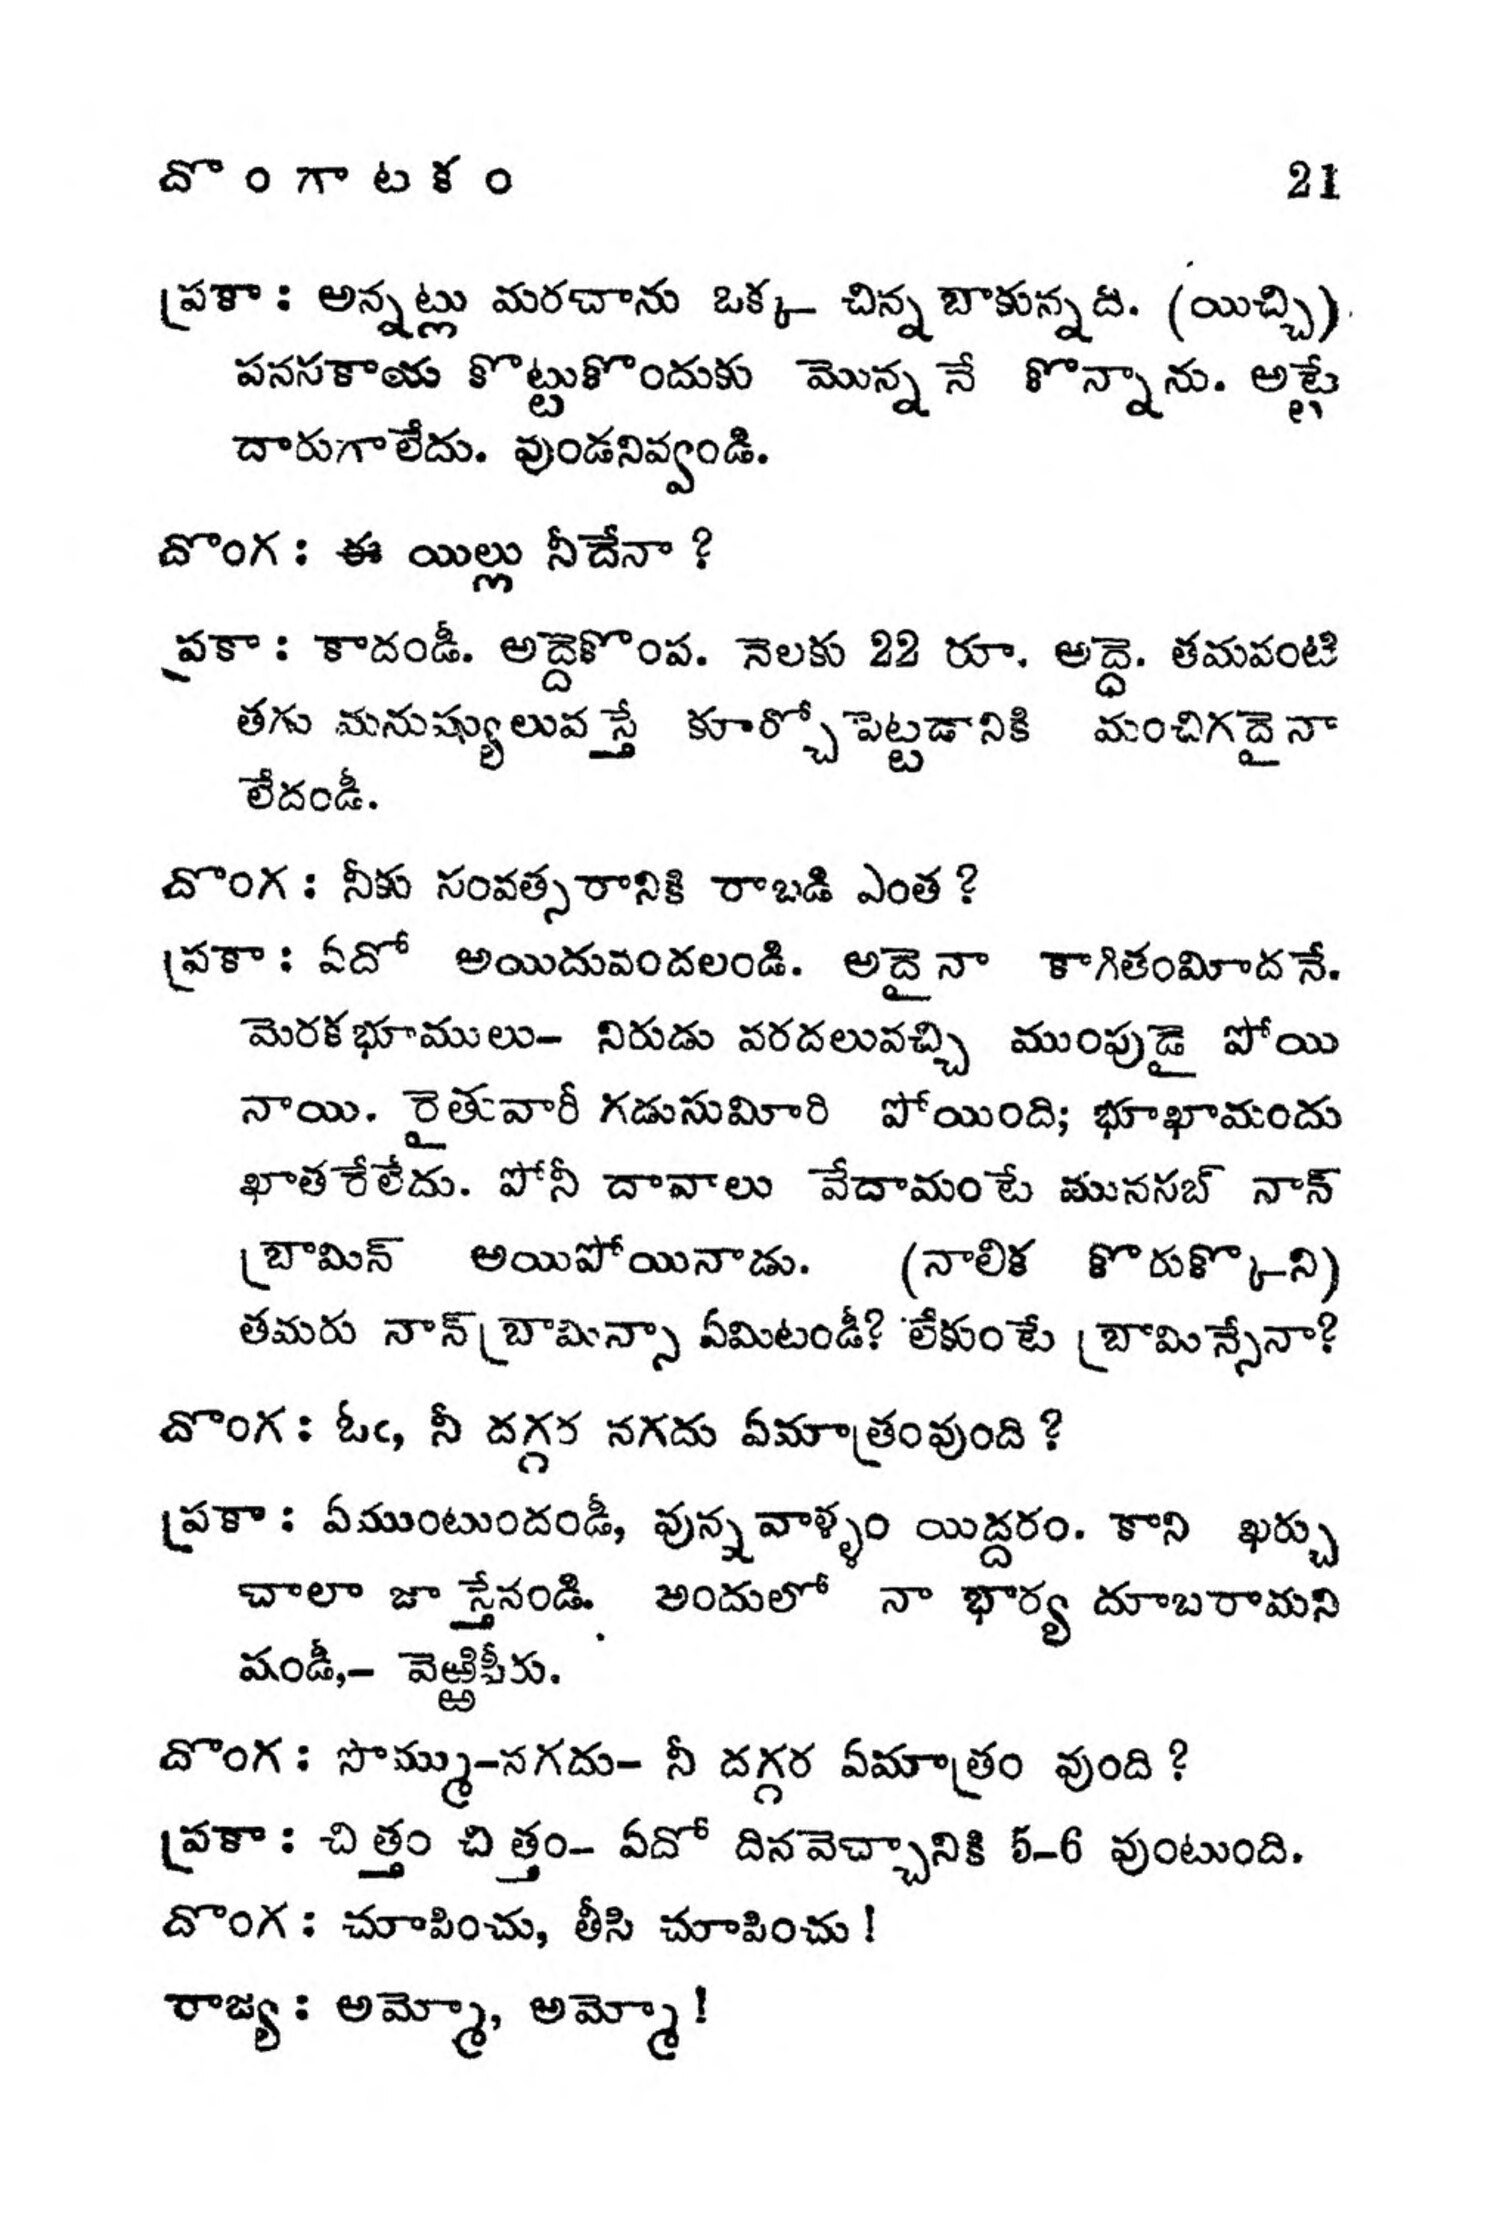ప్రకా : అన్నట్లు మరచాను ఒక్క చిన్న బాకున్నది. (యిచ్చి) పనసకాయ కొట్టుకొందుకు మొన్న నే కొన్నాను. అట్టే
దారుగాలేదు. వుండనివ్వండి.

దొంగ : ఈ యిల్లు నీదేనా ?

ప్రకా : కాదండీ. అద్దెకొంప. నెలకు 22 రూ. అద్దె. తమవంటి తగు మనుష్యులువస్తే కూర్చోపెట్టడానికి మంచిగదైనా
లేదండీ.

దొంగ : నీకు సంవత్సరానికి రాబడి ఎంత ?

ప్రకా : ఏదో అయిదువందలండి. అదైనా కాగితంమీదనే. మెరక భూములు – నిరుడు వరదలు వచ్చి ముంపుడై పోయినాయి. రైతువారీ గడుసుమీరి పోయింది; భూఖామందు ఖాతరేలేదు. పోనీ దావాలు వేదామంటే మునసబ్ నాన్ బ్రామిన్ అయిపోయినాడు. (నాలిక కొరుక్కొని) తమరు నాన్‌బ్రామిన్సా ఏమిటండీ? లేకుంటే బ్రామిన్సేనా?

దొంగ : ఓఁ, నీ దగ్గర నగదు ఏమాత్రంవుంది ?

ప్రకా : ఏముంటుందండీ, వున్నవాళ్ళం యిద్దరం. కాని ఖర్చు చాలా జాస్తేనండి. అందులో నా భార్య దూబరామనిషండీ,— వెఱ్ఱిపీరు.

దొంగ : సొమ్ము -నగదు- నీ దగ్గర ఏమాత్రం వుంది ?

ప్రకా : చిత్తం చిత్తం- ఏదో దినవెచ్చానికి 5-6 వుంటుంది.

దొంగ : చూపించు, తీసి చూపించు !

రాజ్య : అమ్మో, అమ్మో!